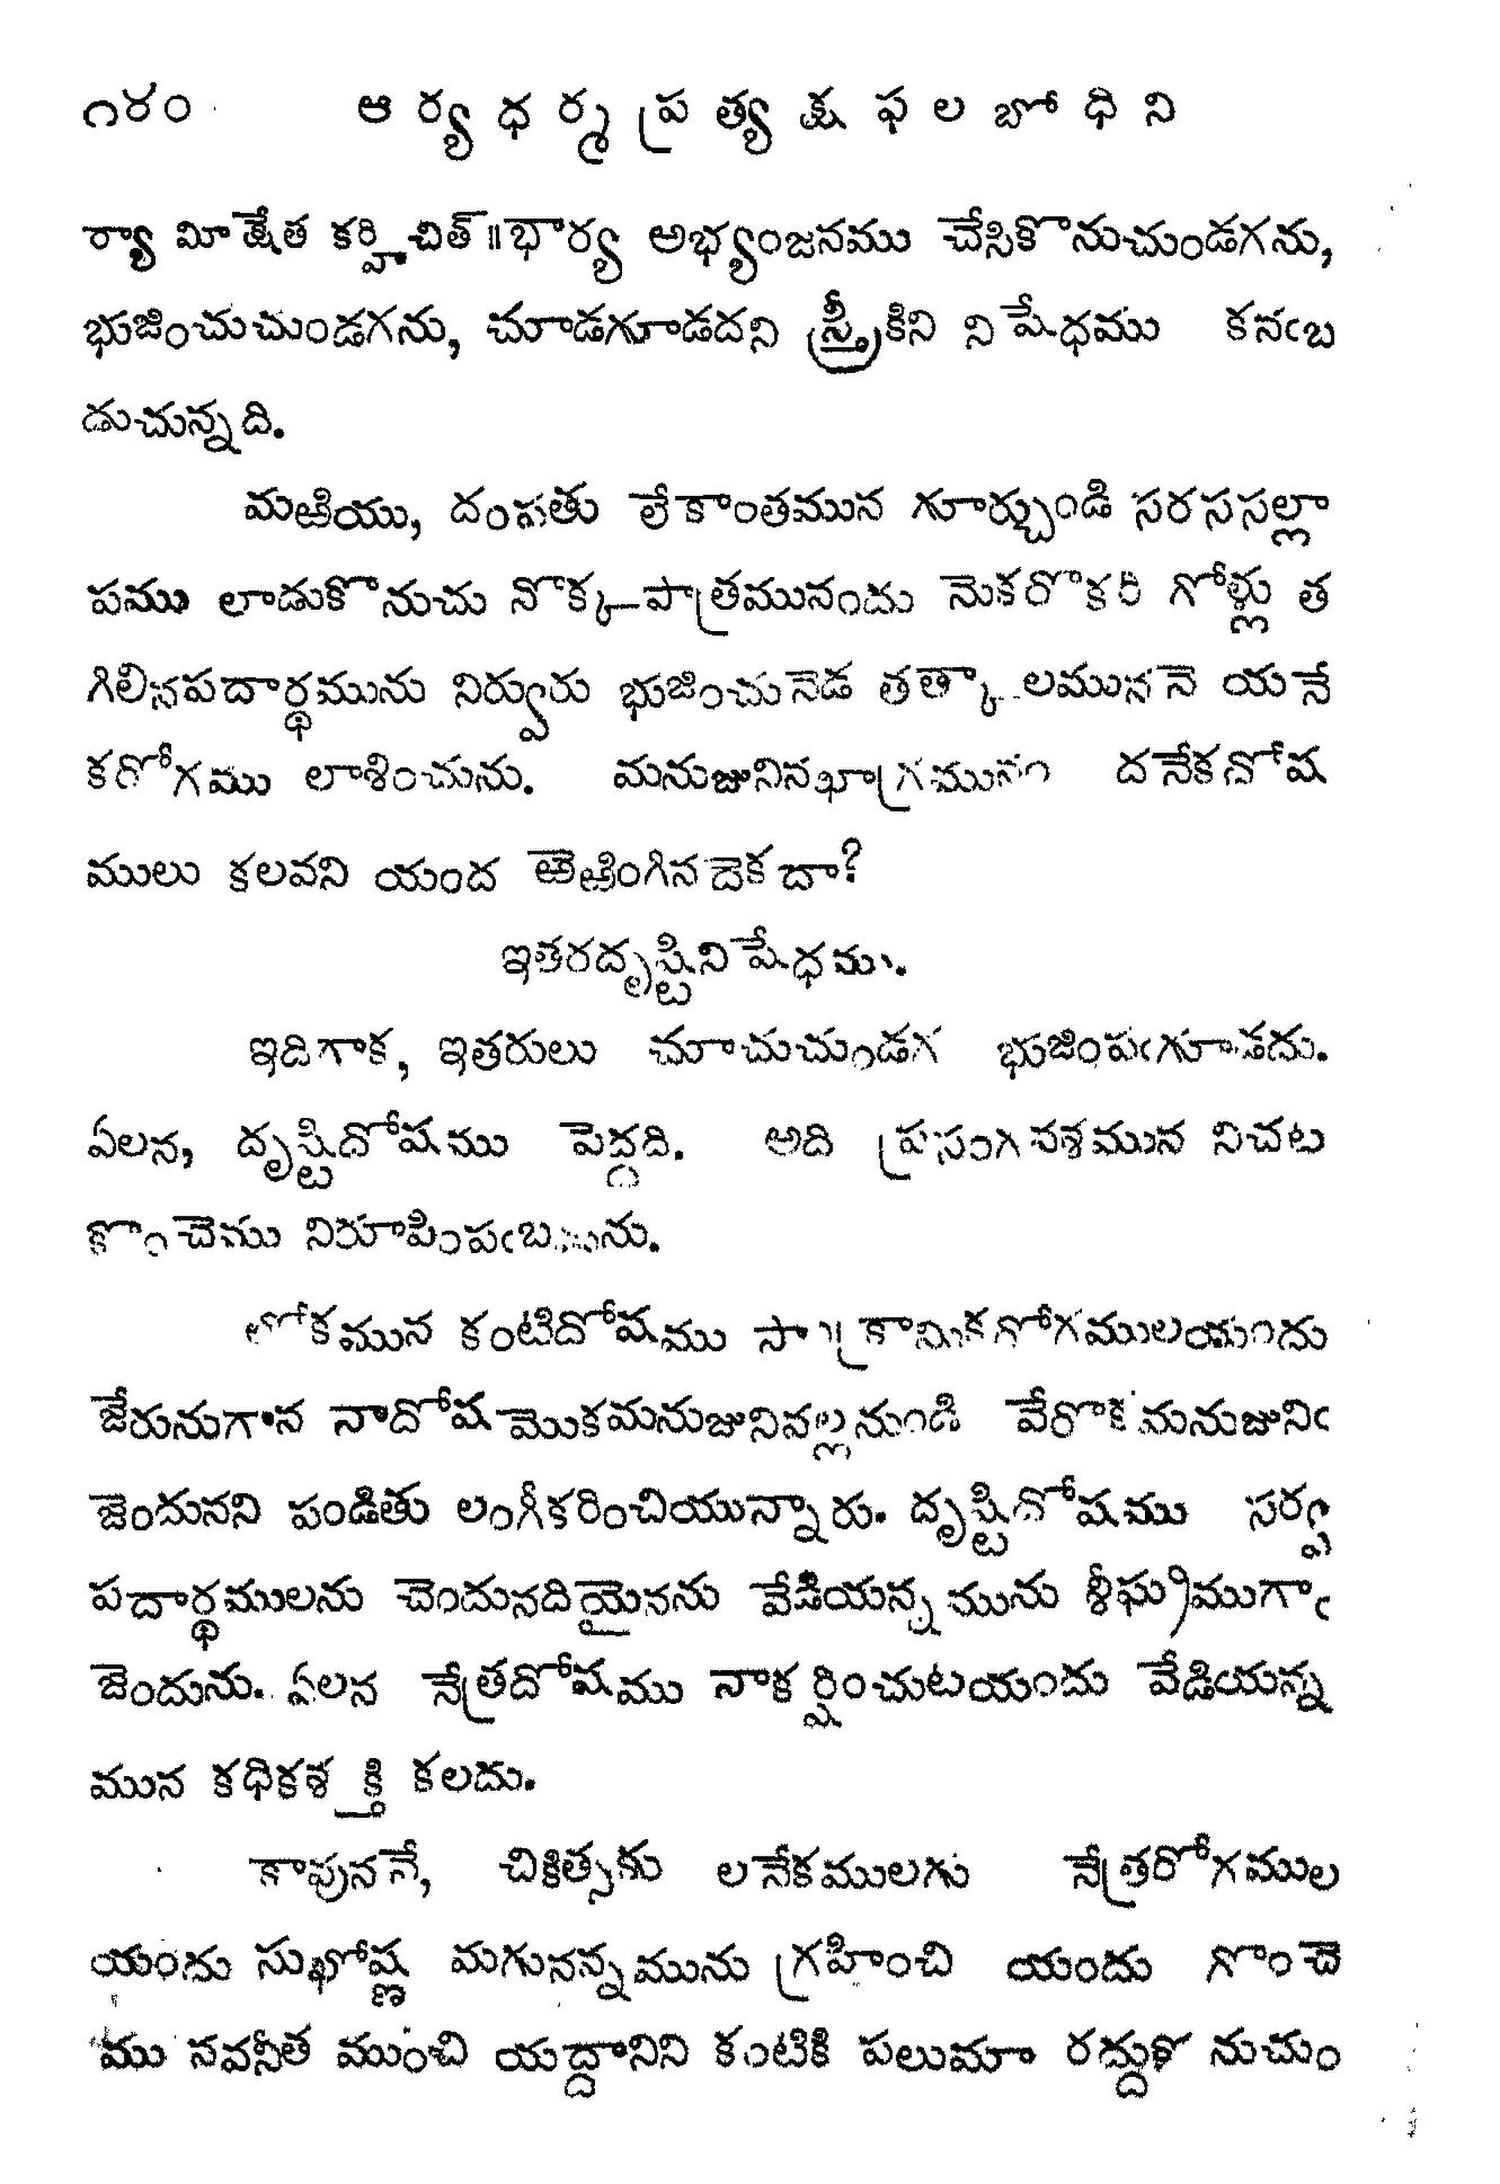ర్యా మీక్షేత కర్హిచిత్ ॥ భార్య అభ్యంజనము చేసికొనుచుండగను, భుజించుచుండగను, చూడగూడదని స్త్రీకిని నిషేధము కనఁబడుచున్నది.

మఱియు, దంపతు లేకాంతమున గూర్చుండి సరససల్లాపము లాడుకొనుచు నొక్కపాత్రమునందు నొకరొకరి గోళ్లు తగిలినపదార్థమును నిర్వురు భుజించునెడ తత్కాలముననె యనేకరోగము లాశించును.
మనుజునినఖాగ్రమునం దనేకదోషములు కలవని యంద ఱెఱింగినదెకదా?

ఇదిగాక, ఇతరులు చూచుచుండగ భుజింపఁగూడదు. ఏలన, దృష్టిదోషము పెద్దది. అది ప్రసంగవశమున నిచట కొంచెము నిరూపింపఁబడును.

లోకమున కంటిదోషము సాంక్రామికరోగములయందు జేరునుగాన నాదోషమొకమనుజునివల్లనుండి వేరొకమనుజునిఁ జెందునని పండితు లంగీకరించియున్నారు. దృష్టిదోషము సర్వపదార్థములను చెందునదియైనను వేడియన్నమును శీఘ్రముగాఁ జెందును. ఏలన నేత్రదోషము నాకర్షించుటయందు వేడియన్నమున కధికశక్తి కలదు.

కావుననే, చికిత్సకు లనేకములగు నేత్రరోగముల యందు సుఖోష్ణ మగునన్నమును గ్రహించి యందు గొంచె
ము నవనీత ముంచి యద్ధానిని కంటికి పలుమా రద్దుకొనుచుం